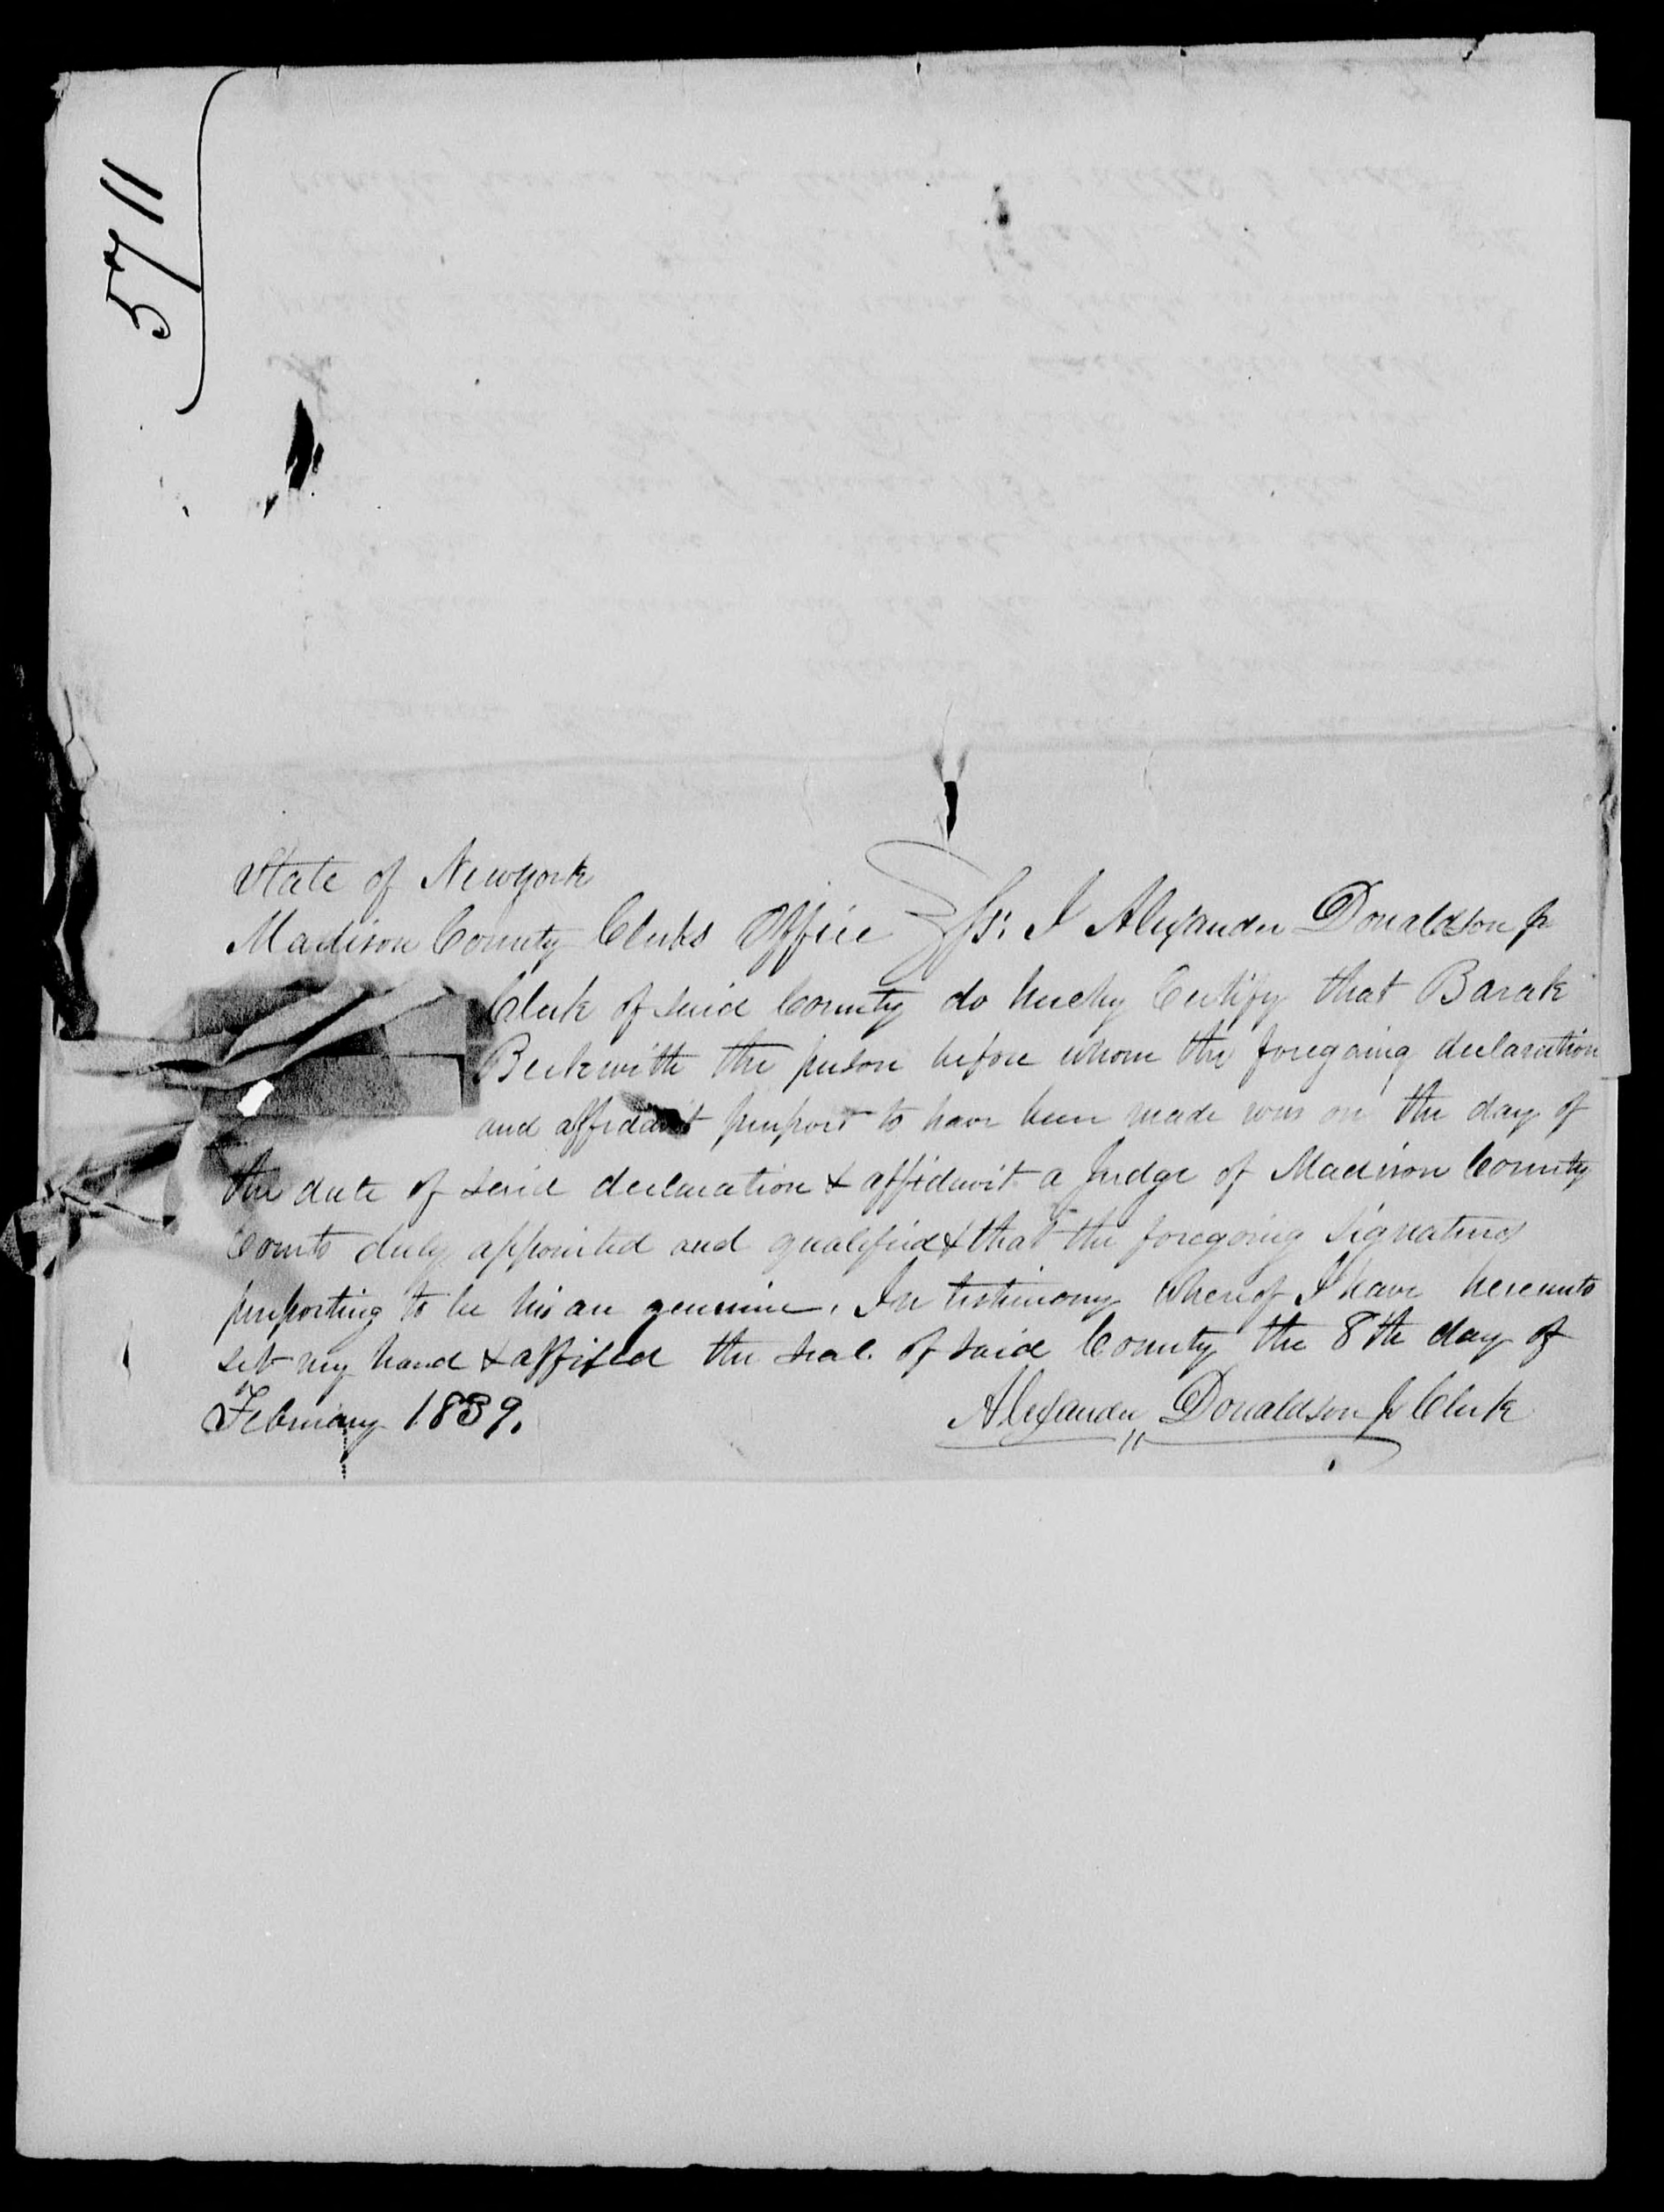[handwritten]
State of New York
Madison County Clerks Office} ss.
I Alexander Donaldson Jr Clerk of said County hereby certify that Barak Beckwith the person before whom the foregoing declaration and affidavit purport to have been made was on the day of the date of said declaration & affidavit a Judge of Madison County duly appointed and qualified & that the foregoing signature purporting to be his is genuine. In testimony whereof I have hereunto set my hand and affixed the seal of said County the 8th day of February 1839.
[signed]
Alexander Donaldson Jr Clerk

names: Barak Beckwith, Alexander Donaldson, Alexander Donaldson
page: 41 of 51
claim: widow's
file: W. 23816, Oliver Clark, Conn.